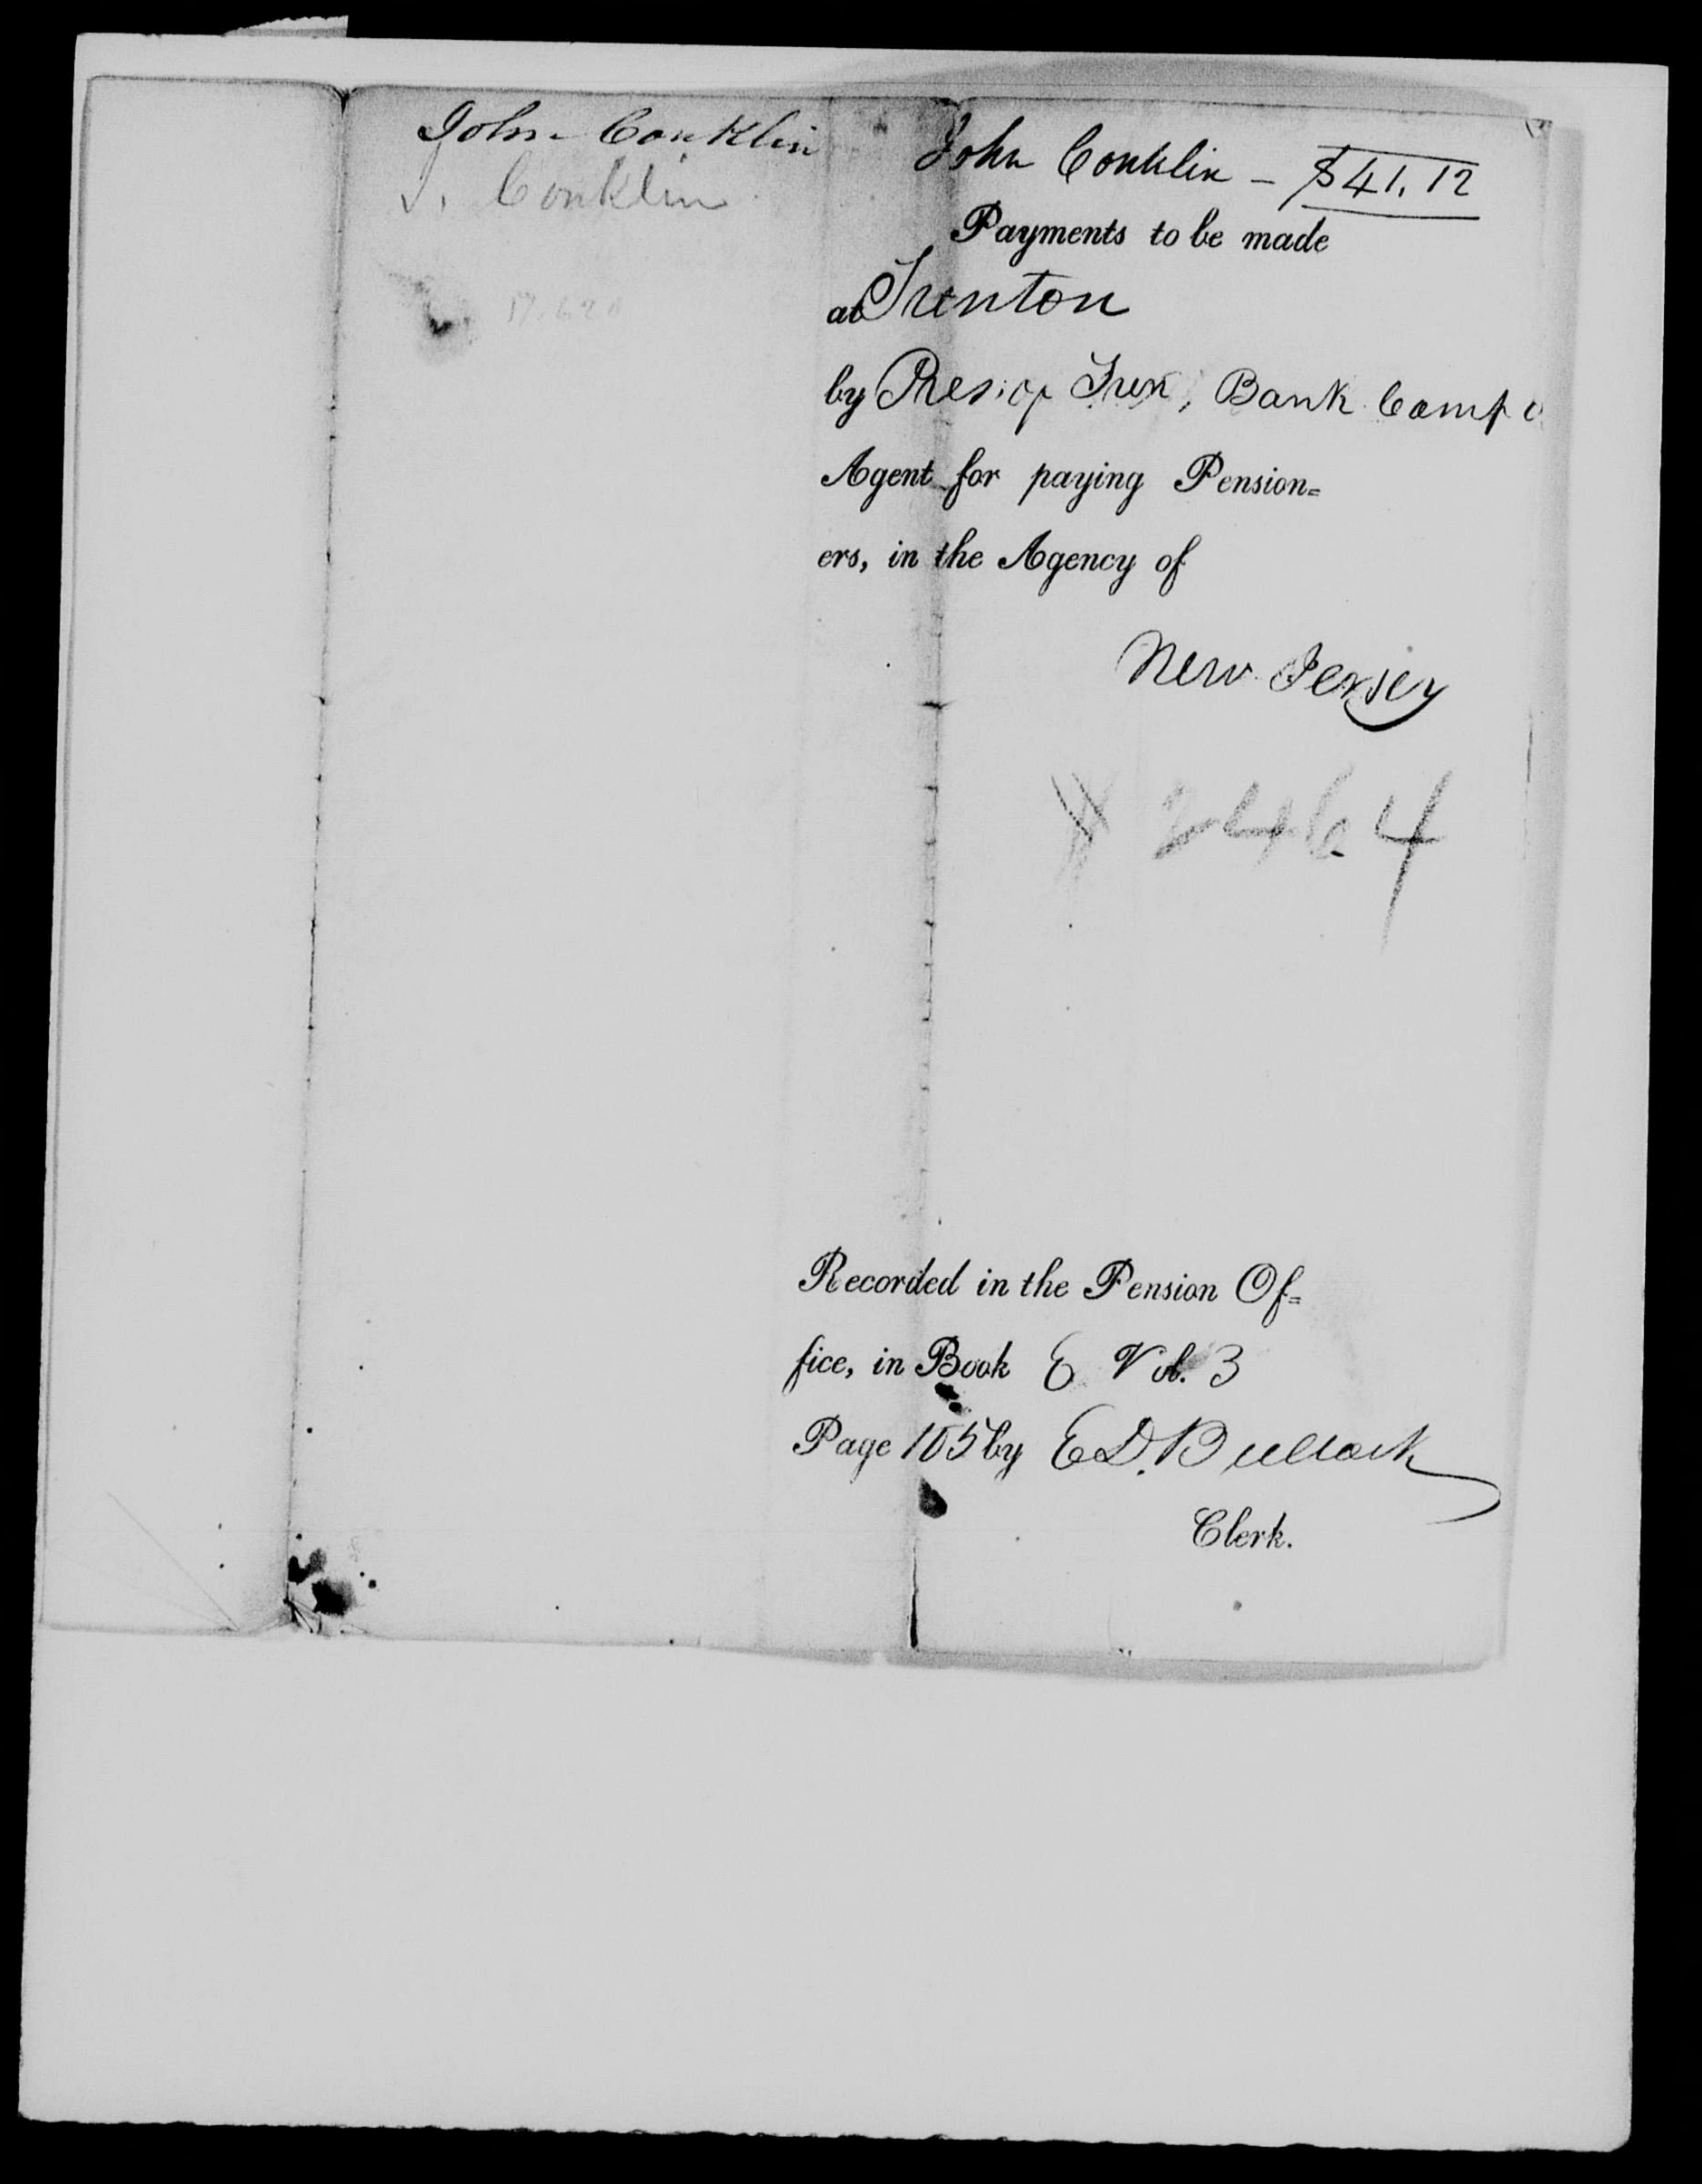John Conklin - $41.12
Payments to be made at Trenton by [illegible] Bank [illegible] Agent of paying Pensioners, in the Agency of New Jersey #2464
Recorded in the Pension Office, in Book 8 Vol. 3 Page 105 by E.D. Bullock, Clerk.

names: John Conklin, E D Bullock, John Conklin, J Conklin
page: 22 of 28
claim: survivor's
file: S 2464, John Conklin, New Jersey